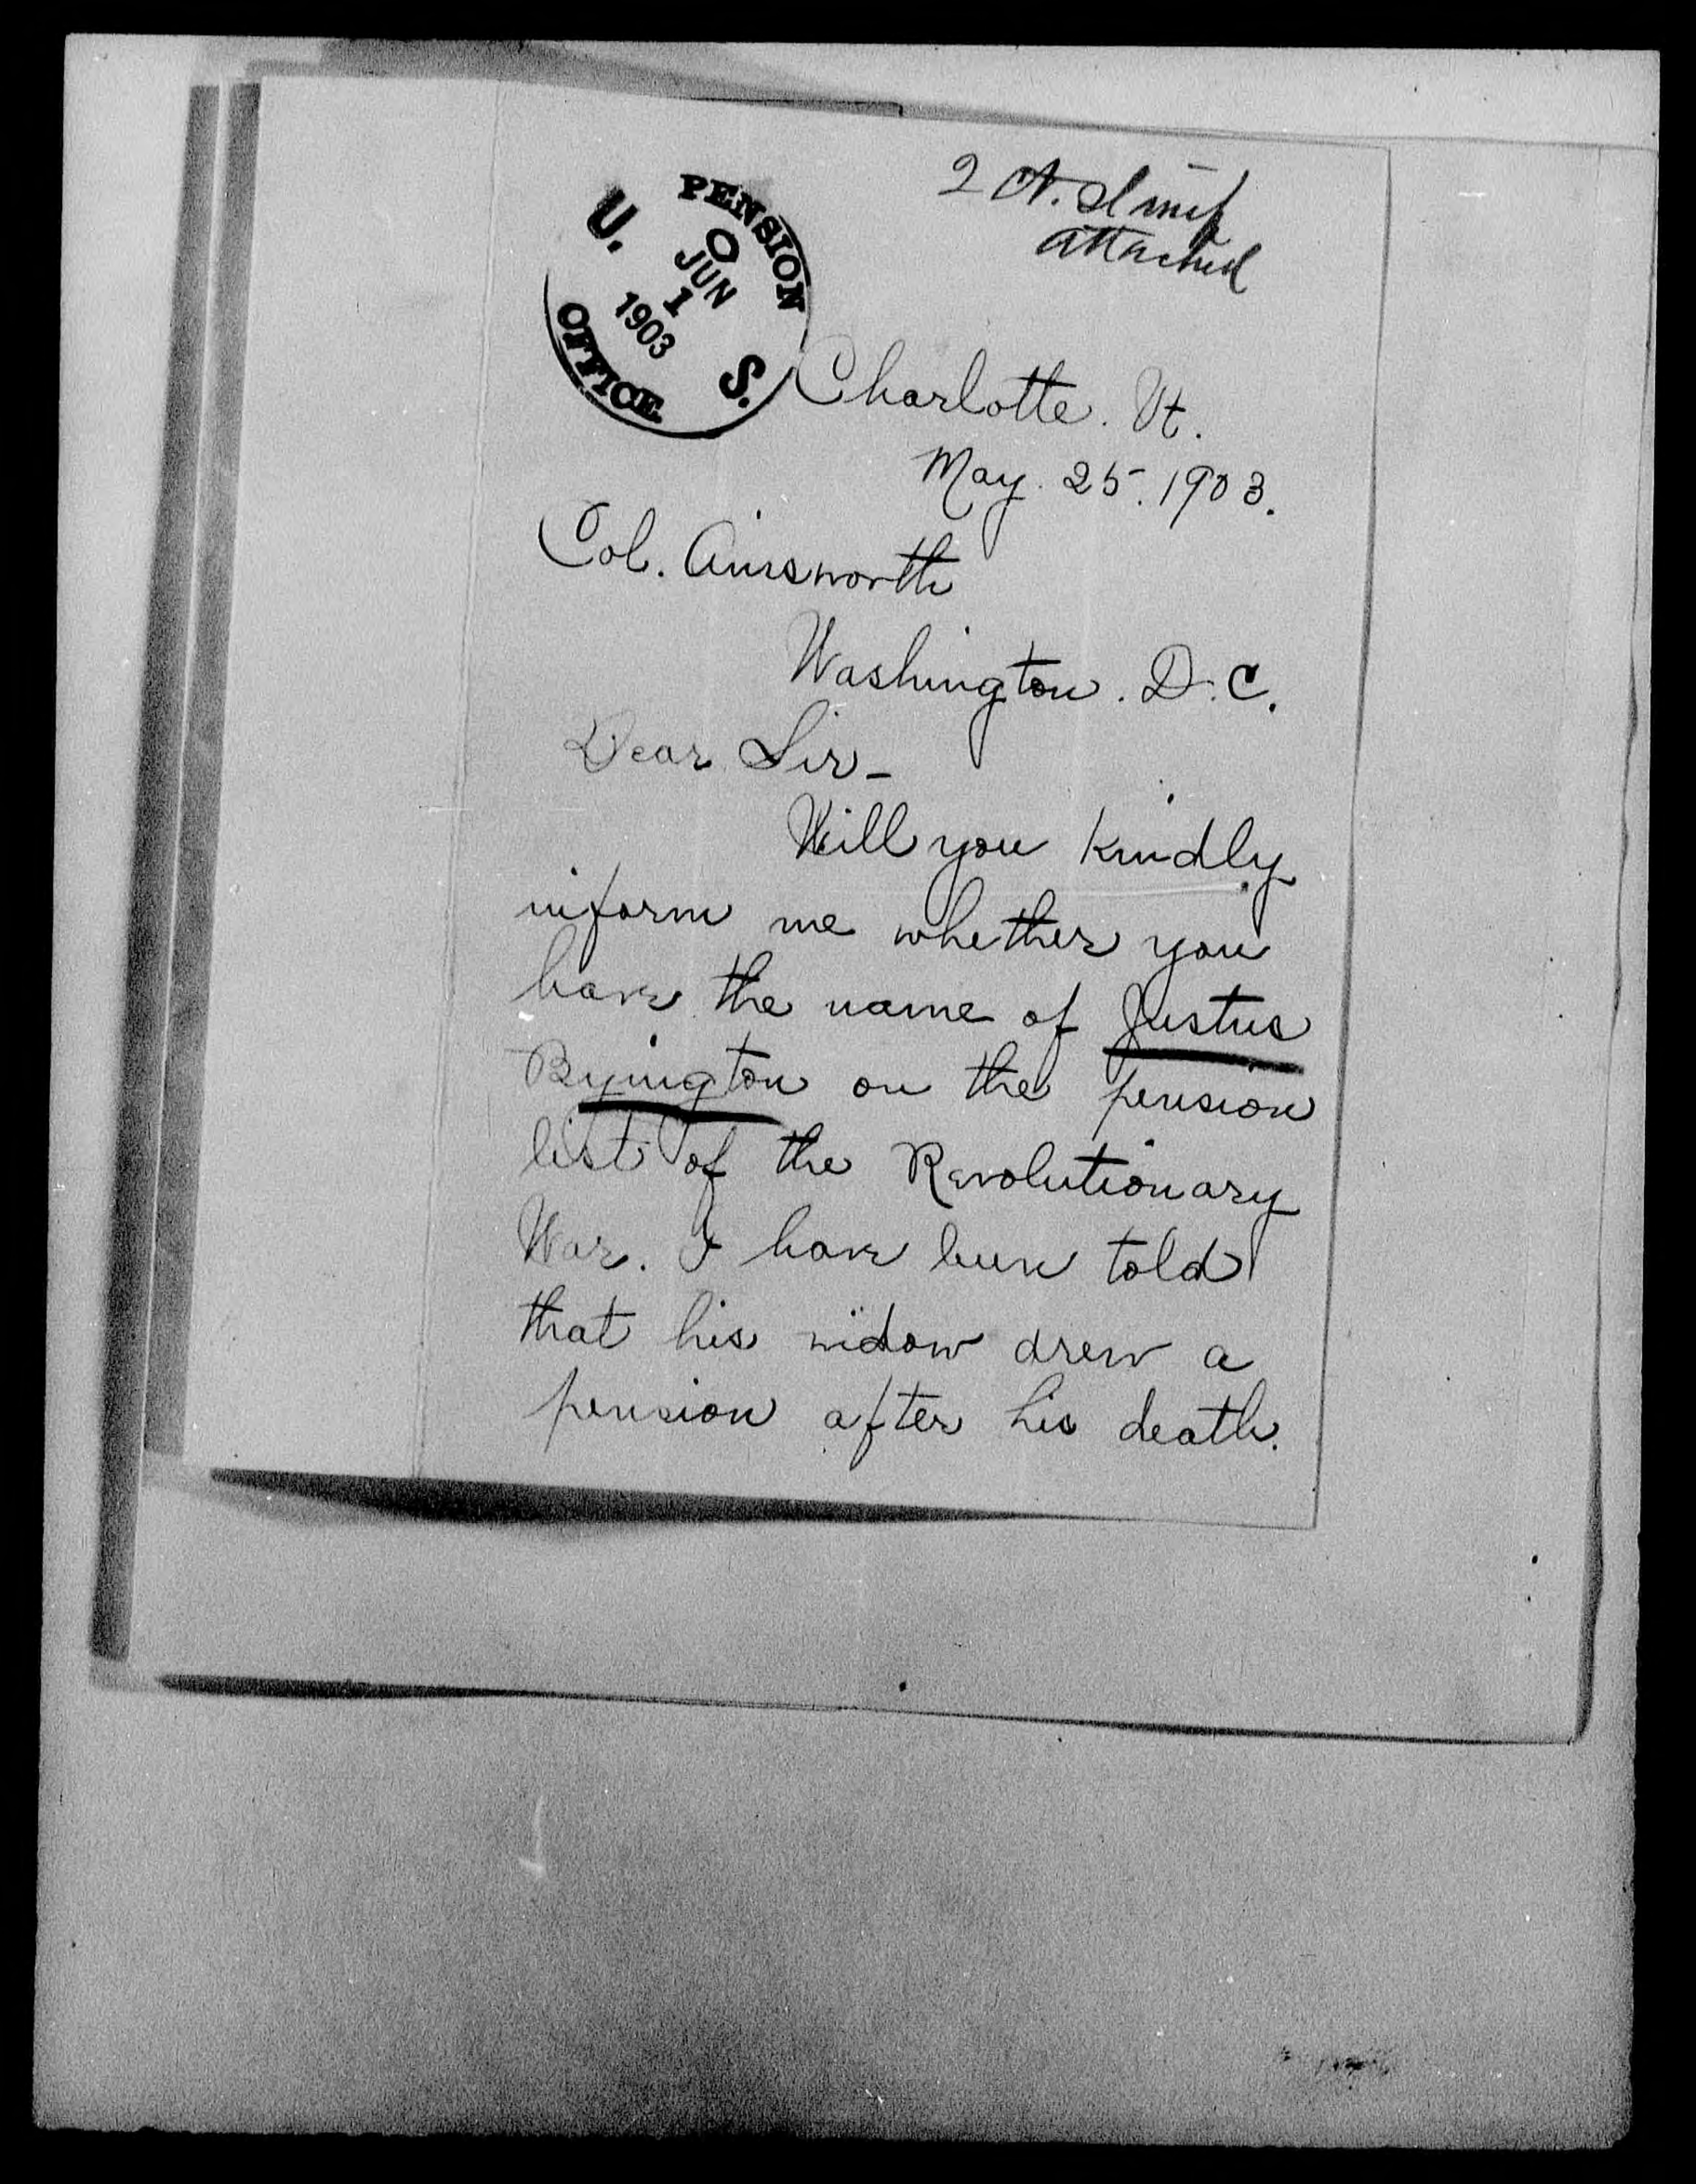[STAMPED]
U. S. PENSION OFFICE
O
JUN 1 1903

2 Ct. stamp attached

Charlotte, Vt.
May 25, 1903
Col. Ainsworth
Washington D.C.

Dear Sir - 
Will you kindly inform me whether you have the name of Justus Byington on the pension list of the Revolutionary War. I have been told that his widow drew a pension after his death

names: Justus Byington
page: 66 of 79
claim: widow's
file: W. 23754, Justus Byington, Conn.